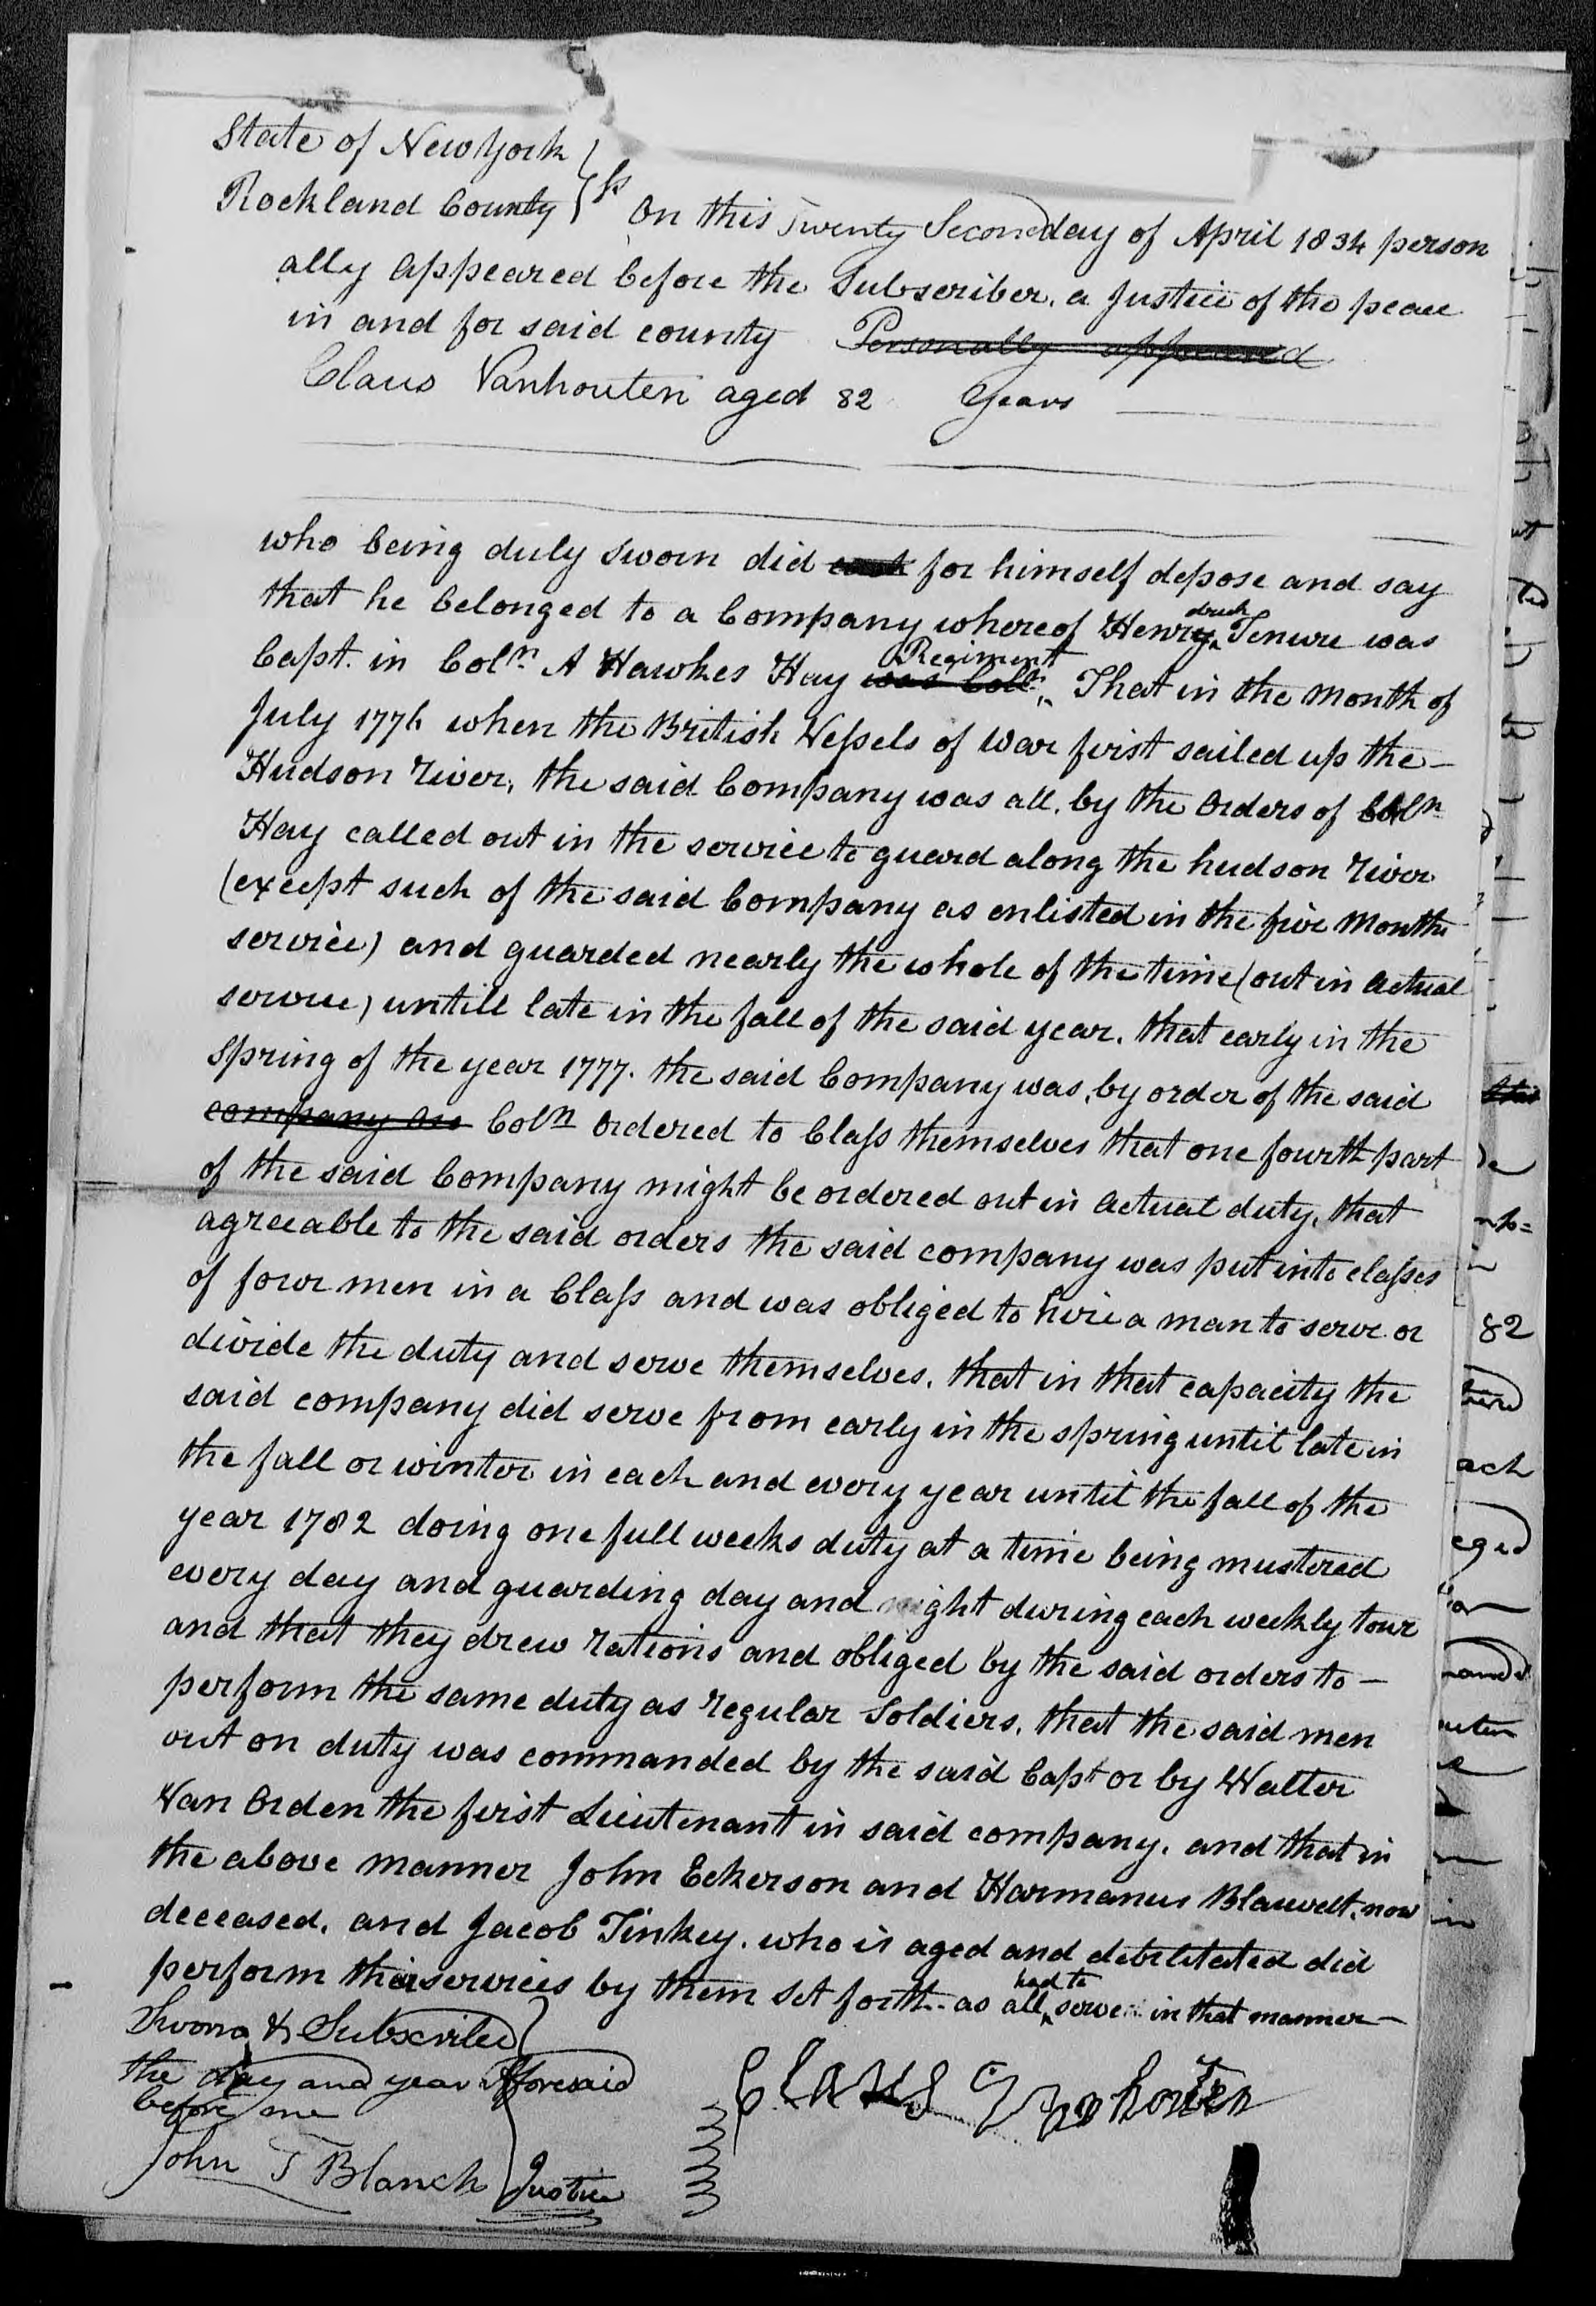State of new York Rockland County Ss On this twenty second day of April 1834 personally appeared before the subscriber , a Justice of the peace in and for said county [Personally appeared, crossed out] Claus Vanhouten aged 82 years
who being duly sworn did for himself depose and say that he belonged to a Company whereof Hendrick Tenure was Capt. in Coln. A Hawkes Hay Regiment That in the month of July 1776 when the British vessels of war first sailed up the Hudson River, the said Company was all by the orders of Coln. Hay called out in the service to guard along the hudson river (except such of the said Company as enlisted in the five months service) and guarded nearly the whole of the time (out in actual service) untill late in the fall of the said year. that early in the Spring of the year 1777. the said company was, by order of the said [company was, crossed out] Coln. ordered to class themselves that one fourth part of the said Company might be ordered out in actual duty. that agreeable to the said orders the said company was put into classes of four men in a class and was obliged to hire a man to serve or divide the duty and serve themselves. that in that capacity the said company did serve from early in the spring until late in the fall or winter in each and every year until the fall of the year 1782 doing one full week duty at a time being mustered every day and guarding day and night during each weekly tour and that they drew rations and obliged by the said orders to perform the same duty as regular soldiers, that the said men out on duty was commanded by the said Capt or by Walter Van Orden the first Lieutenant in said company. and that in the above manner John Eckerson and Harmanus Blauvelt, now deceased, and Jacob Tinkey, who is aged and debilitated did perform these services by them set forth as all had to serve in that manner. [signed] Claus Vanhouten
Sworn & Subscribed the day and year aforesaid before one John T. Blanch Justice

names: Jacob Tinkey, Hay, John Eckerson, Walter Van Orden, John T Blanch, Claus Vanhouten, Claus Vanhouten, Harmanus Blauvelt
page: 17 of 33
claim: survivor's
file: S. 22,653, Harmanus Blauvelt, New York